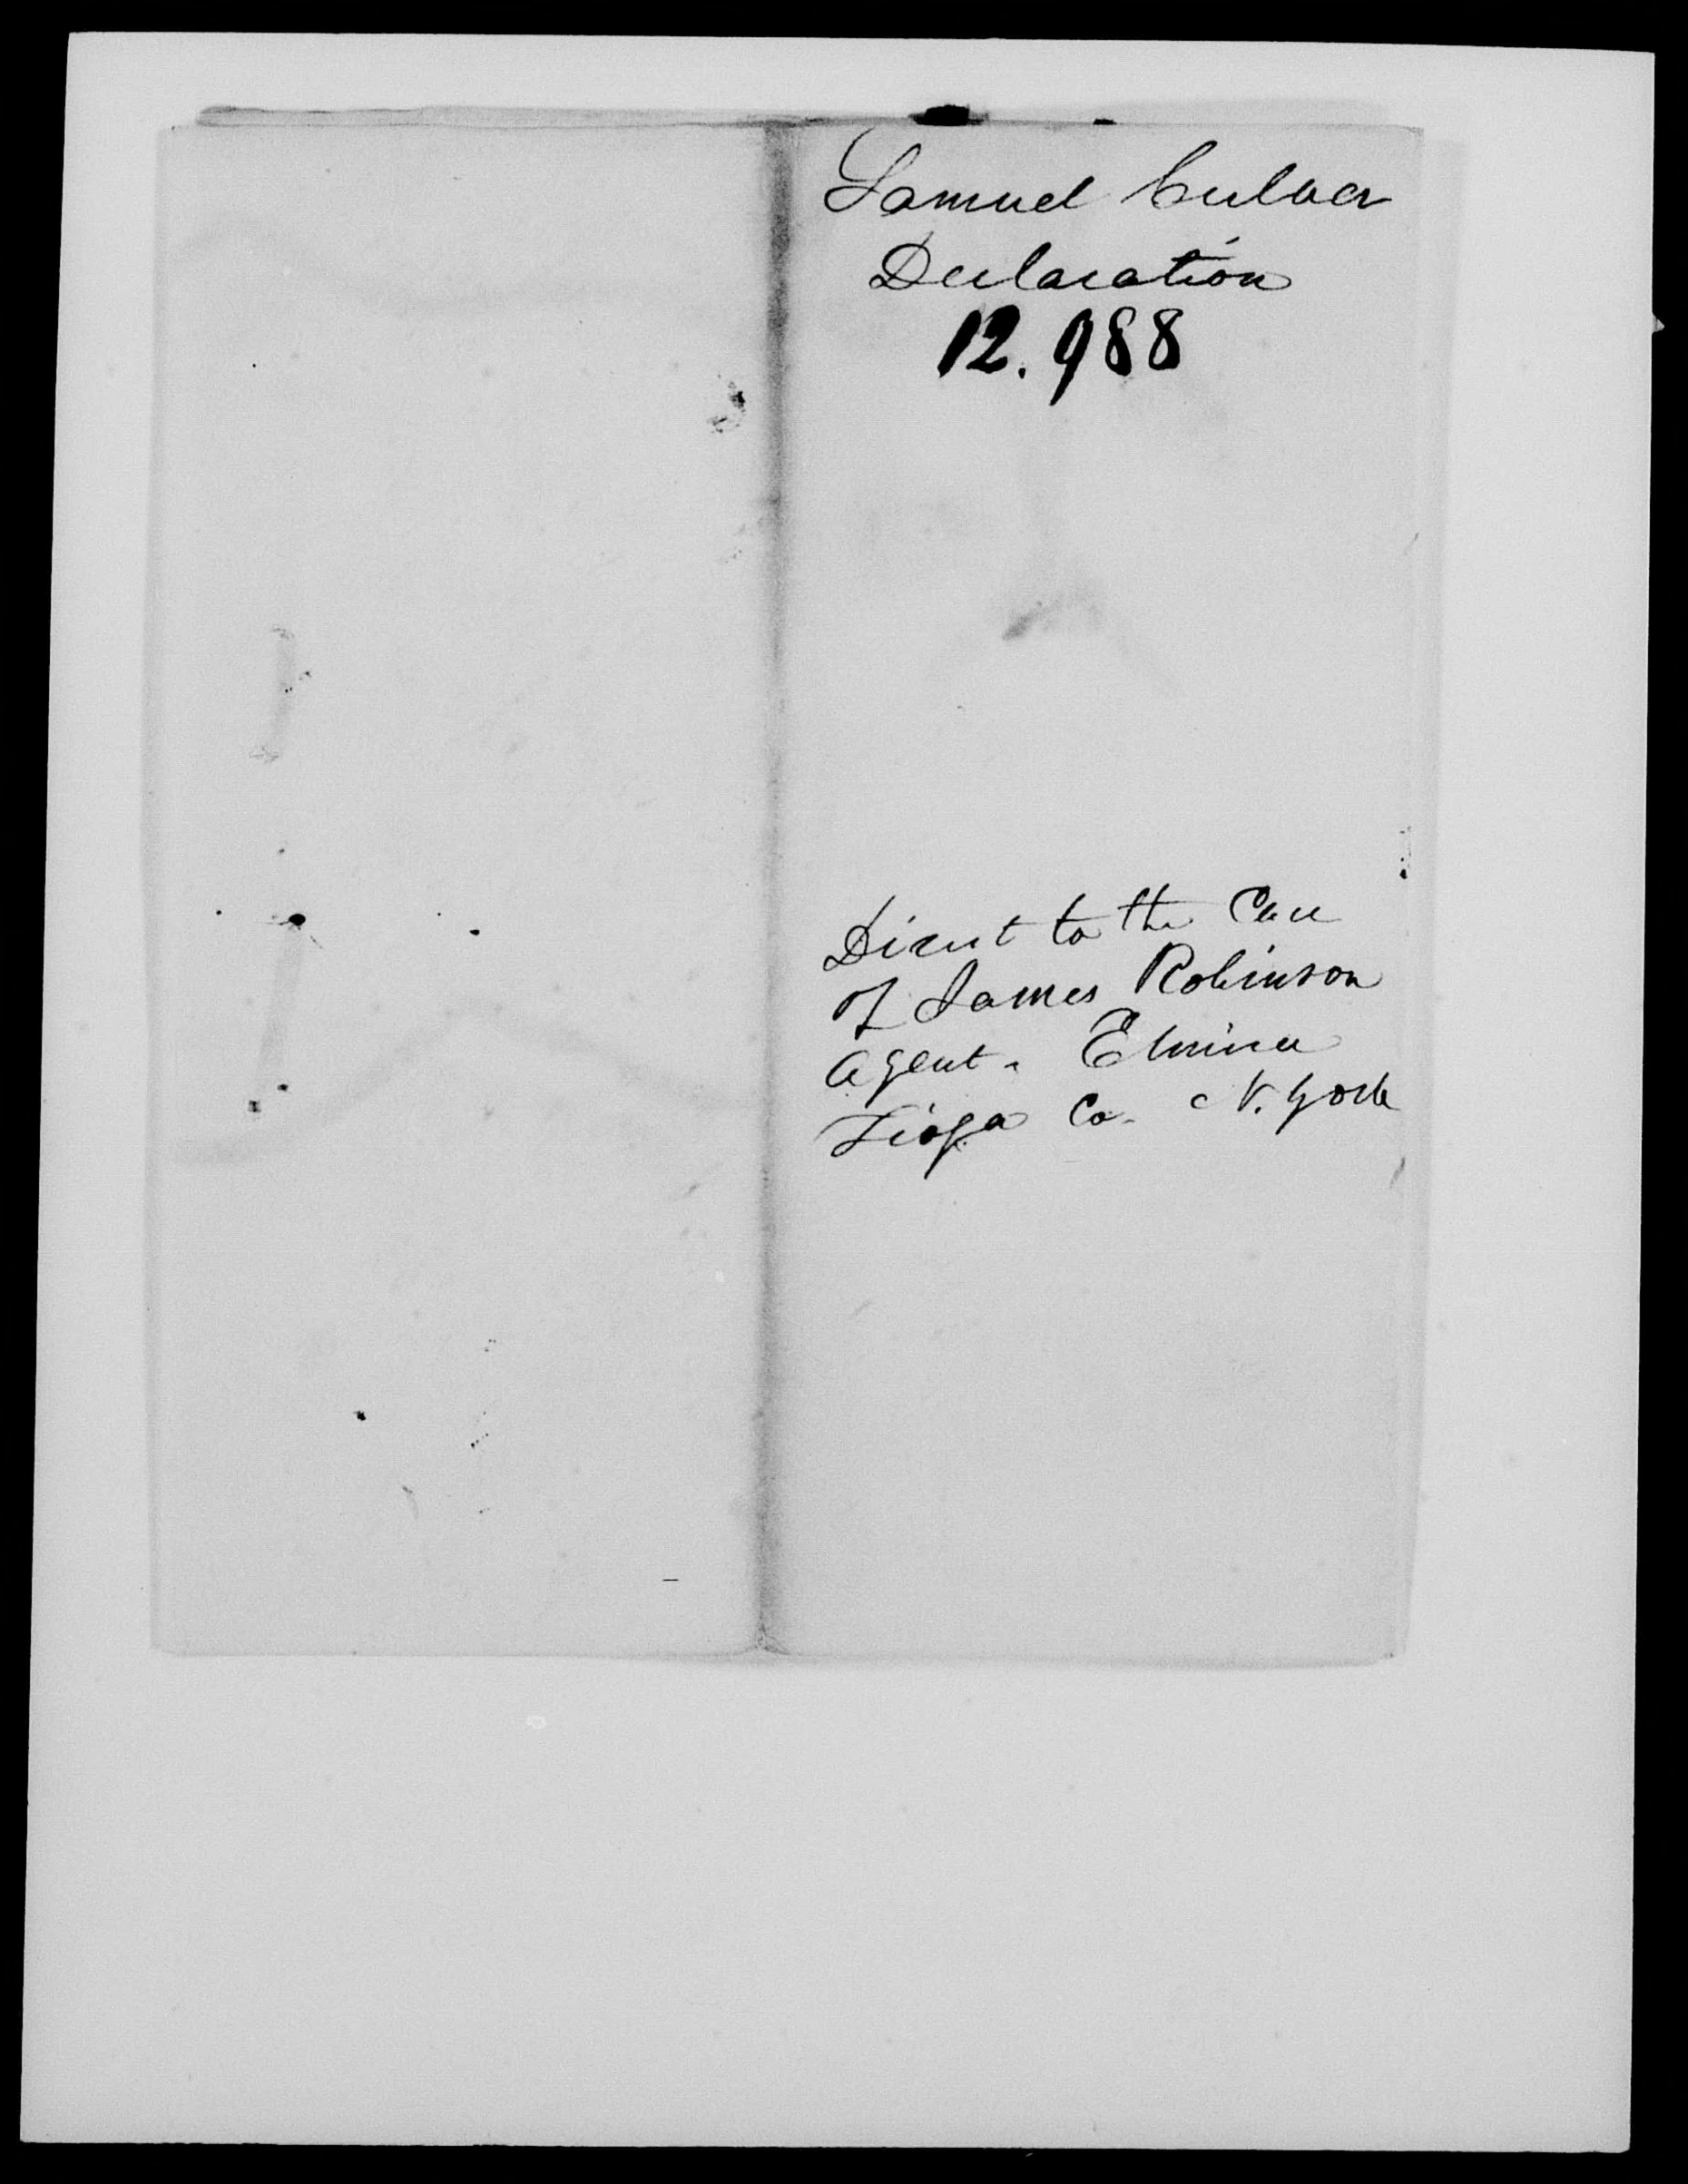Samuel Culver
Declaration
12.988


Direct to the care
of James Robinson
agent.  Elmira
Tioga Co. N. York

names: Samuel Culver, James Robinson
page: 27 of 40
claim: rejected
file: R. 1,570, Samuel Culver, New Jersey